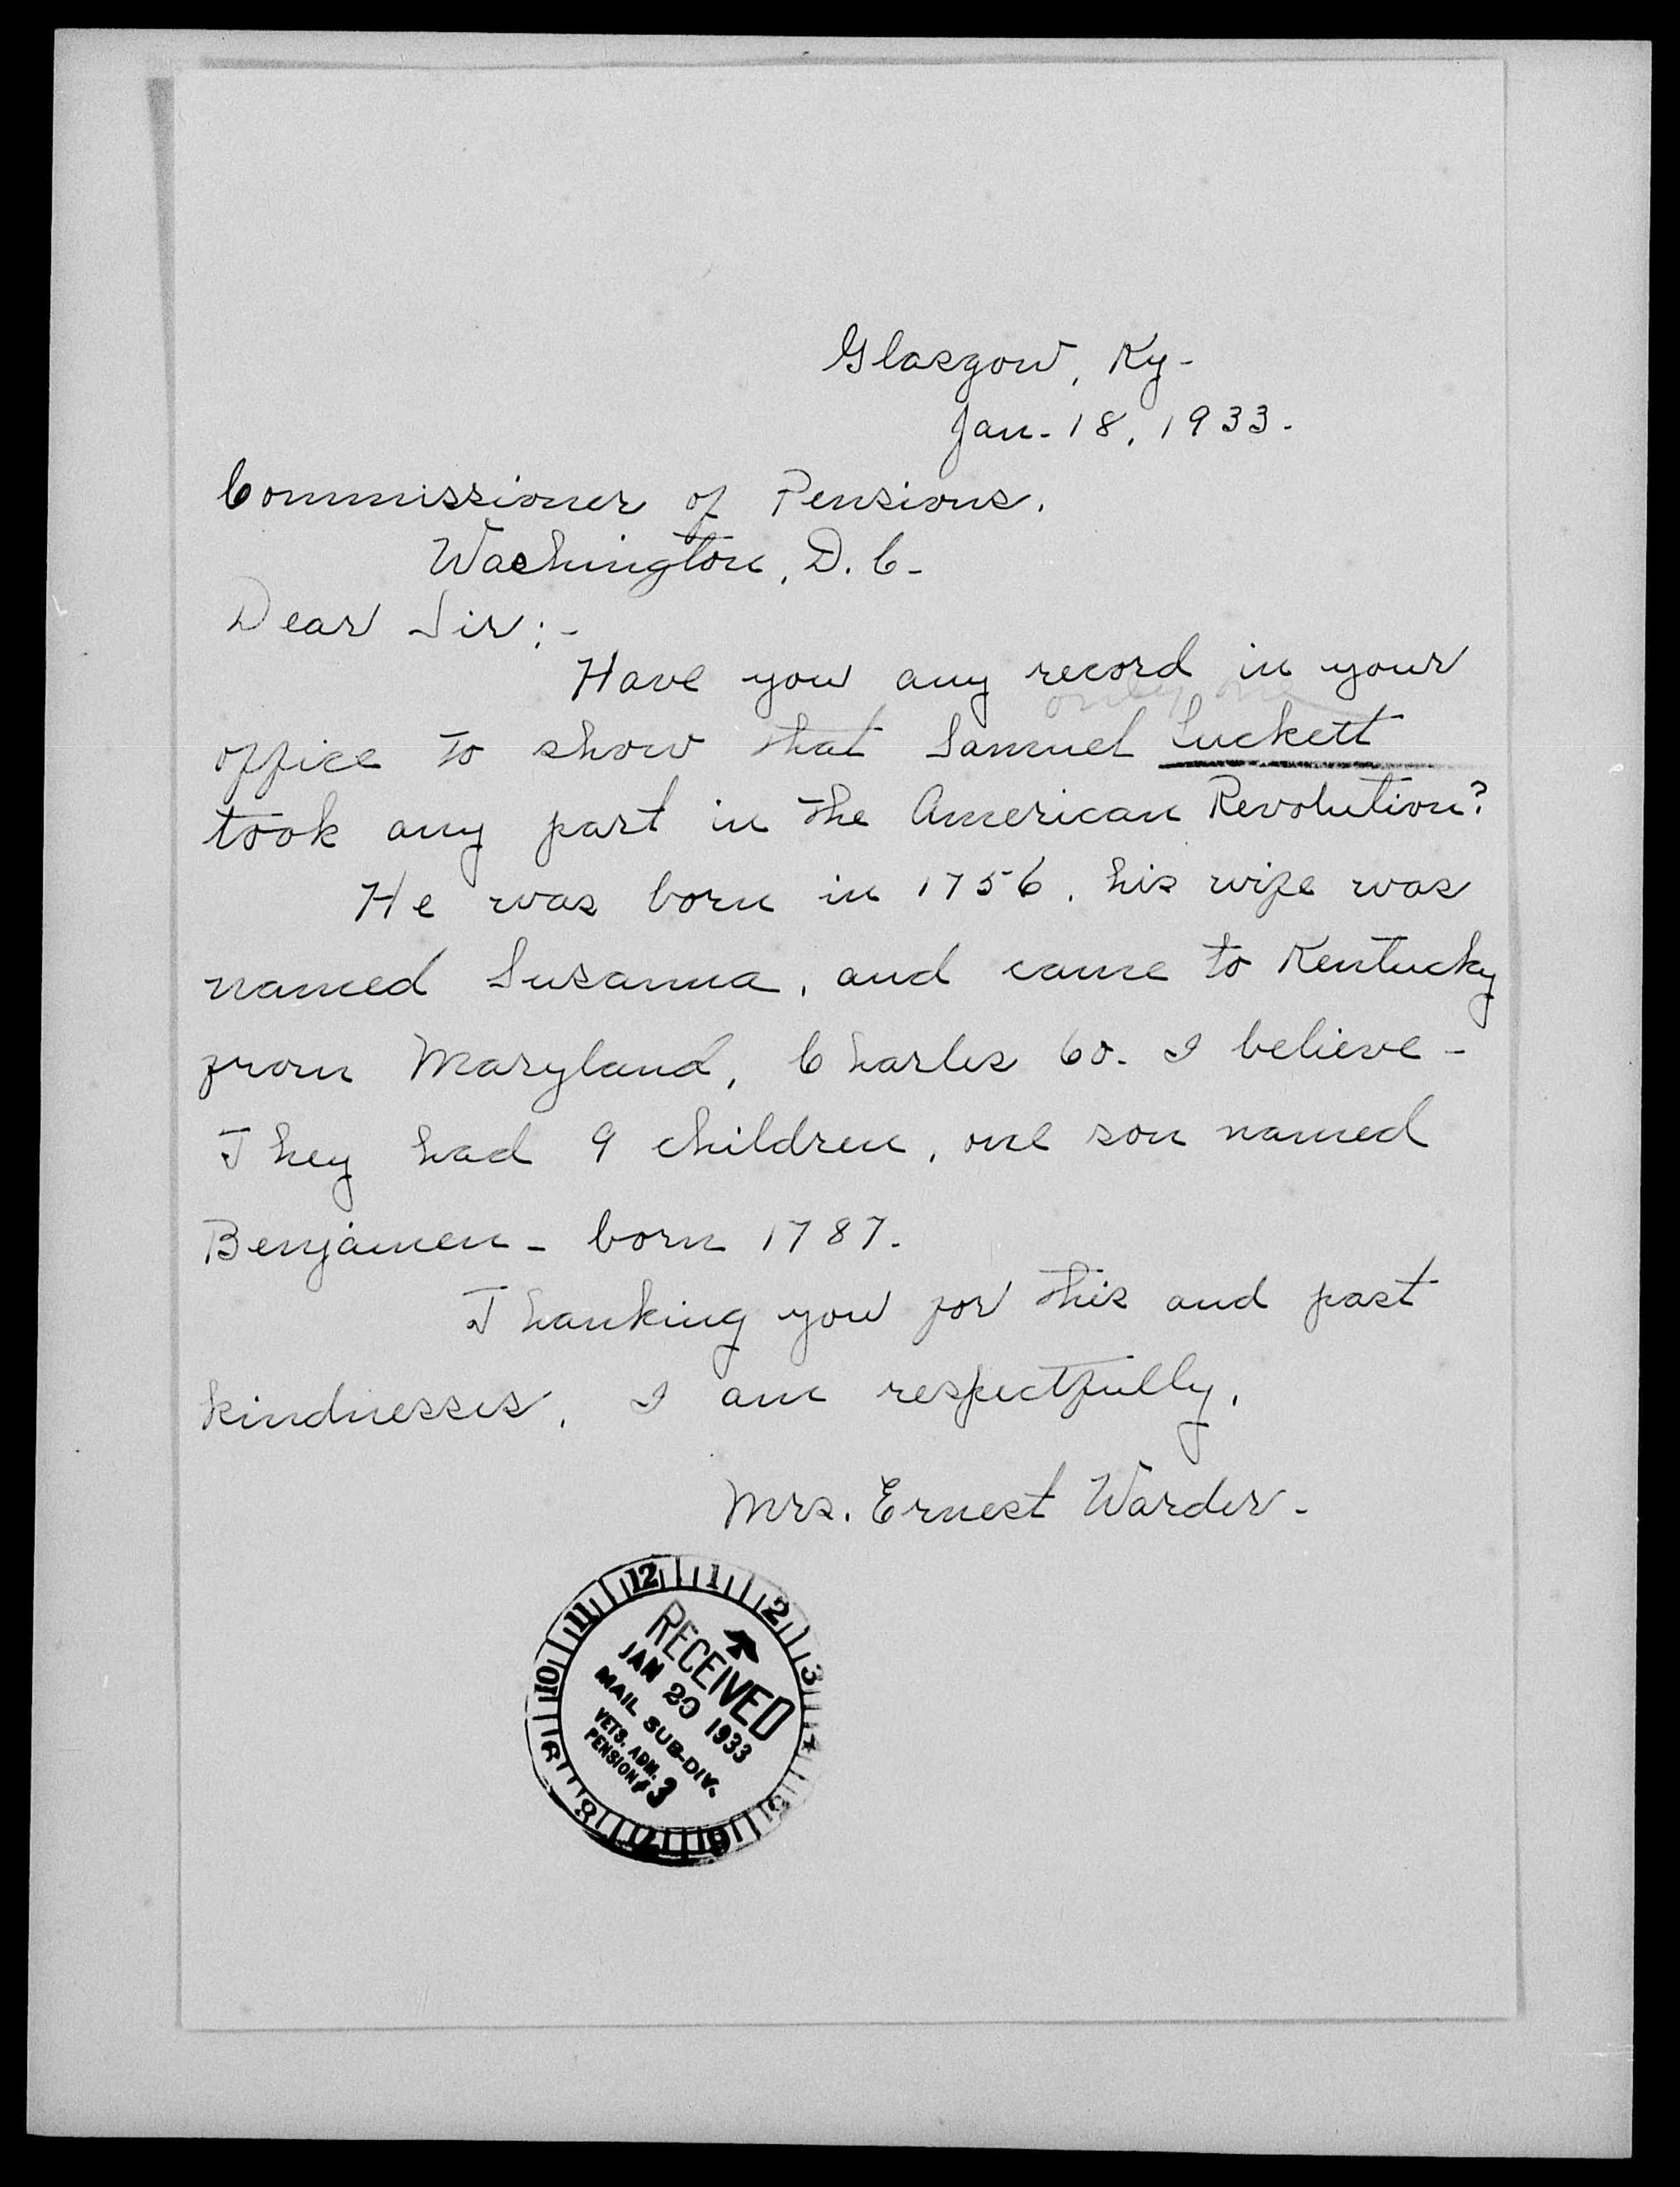Glasgow, Ky
Jan 18, 1933

Commissioner of Pensions
Washington, D.C.

Dear Sir

Have you any record in your office to show that Samuel Luckett took any part in the American Revolution?

He was born in 1756 his wife was named Susanna and came to Kentucky from Maryland, Charles Co I believe. They had 9 children one son named Benjamin born 1787.

Thanking you for this and past kindness. I am respectfully.

Mrs. Ernest Warder

Vets Admin Received Stamp - Jan 20, 1933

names: Benjamin [BLANK]; Ernest Warder; Susanna [BLANK]; Samuel Luckett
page: 27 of 34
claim: survivor's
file: S. 36,051, for Samuel Luckett, Maryland